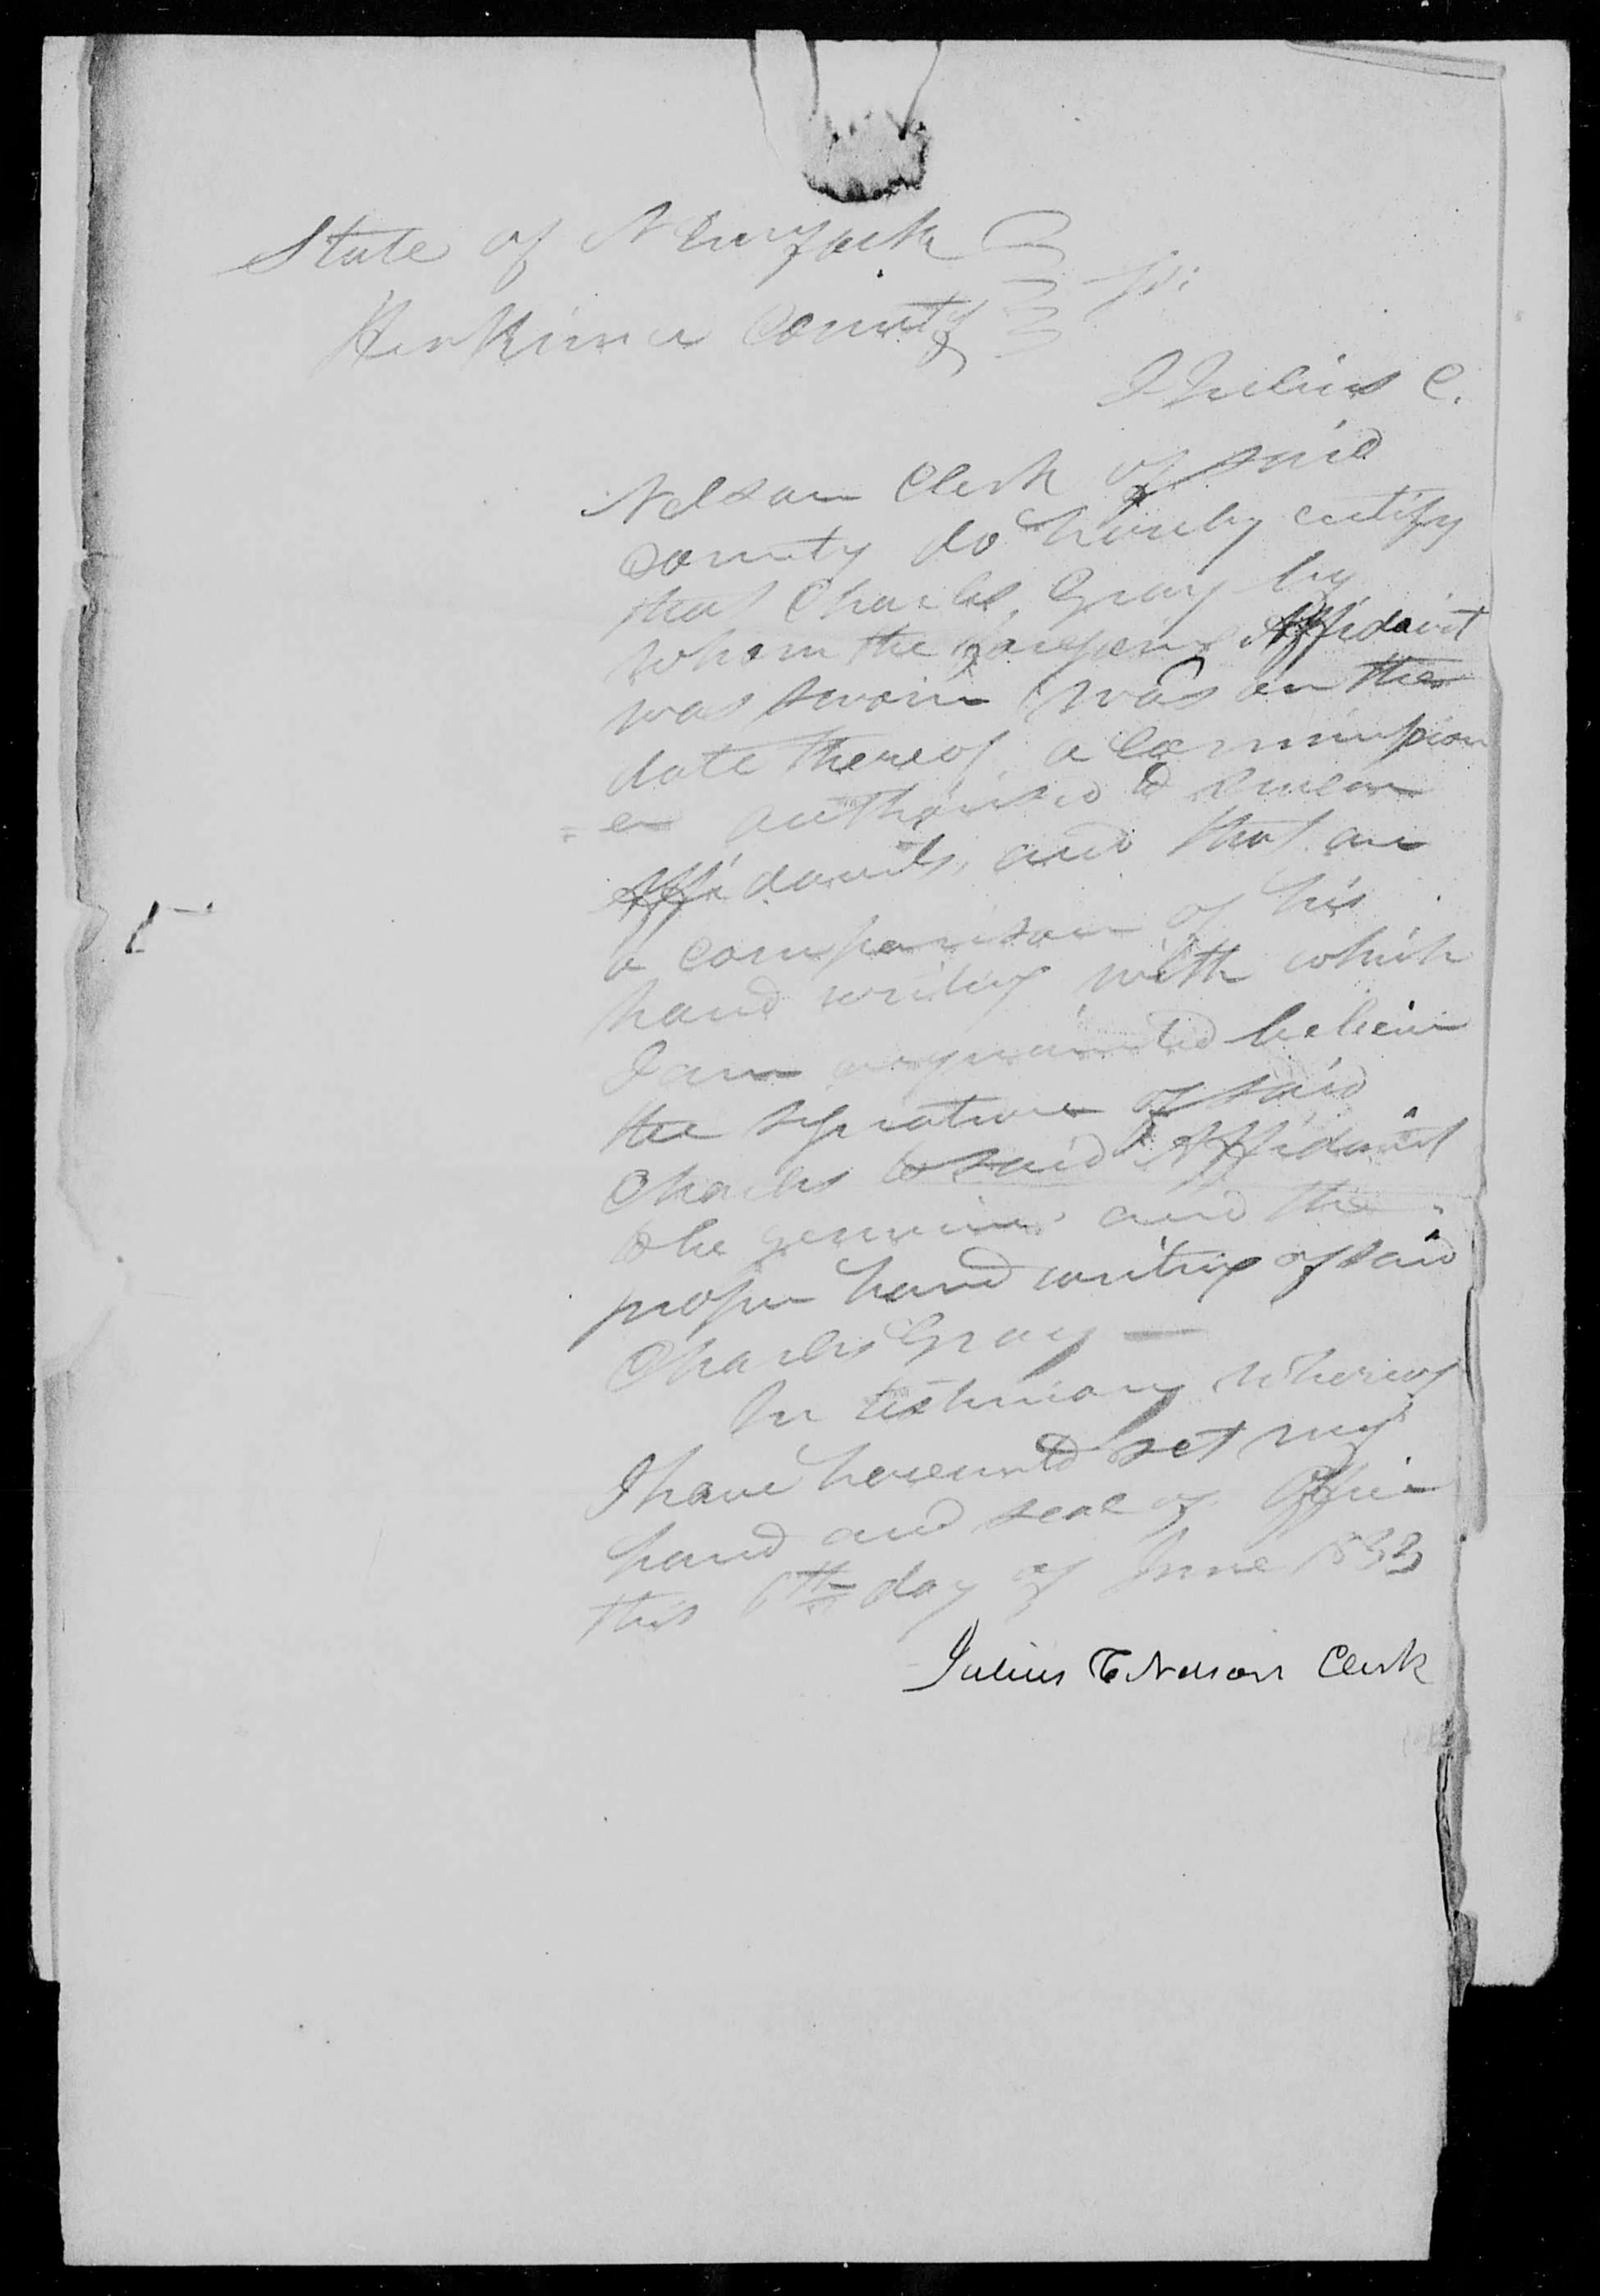[handwritten]

State of New York}
Herkimer County} SS.
I Julius C. Nelson Clerk of said county do hereby certify that Charles Gray by whom the foregoing affidavit was sworn was on this date thereof a commissioner authorized to [?] affidavits and that as a commissioner of his hand writing with which I am acquainted believe the signature of said Charles to said affidavit be genuine and the proper hand writing of said Charles Gray -
In testimony whereof I have hereunto set my hand and seal of office this 6th day of June 1833
Julius C Nelson Clerk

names: Charles Gray, Julius C Nelson, Charles Gray, Julius C Nelson, Charles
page: 25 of 30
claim: rejected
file: R. 4927, Conrad Hess, New York